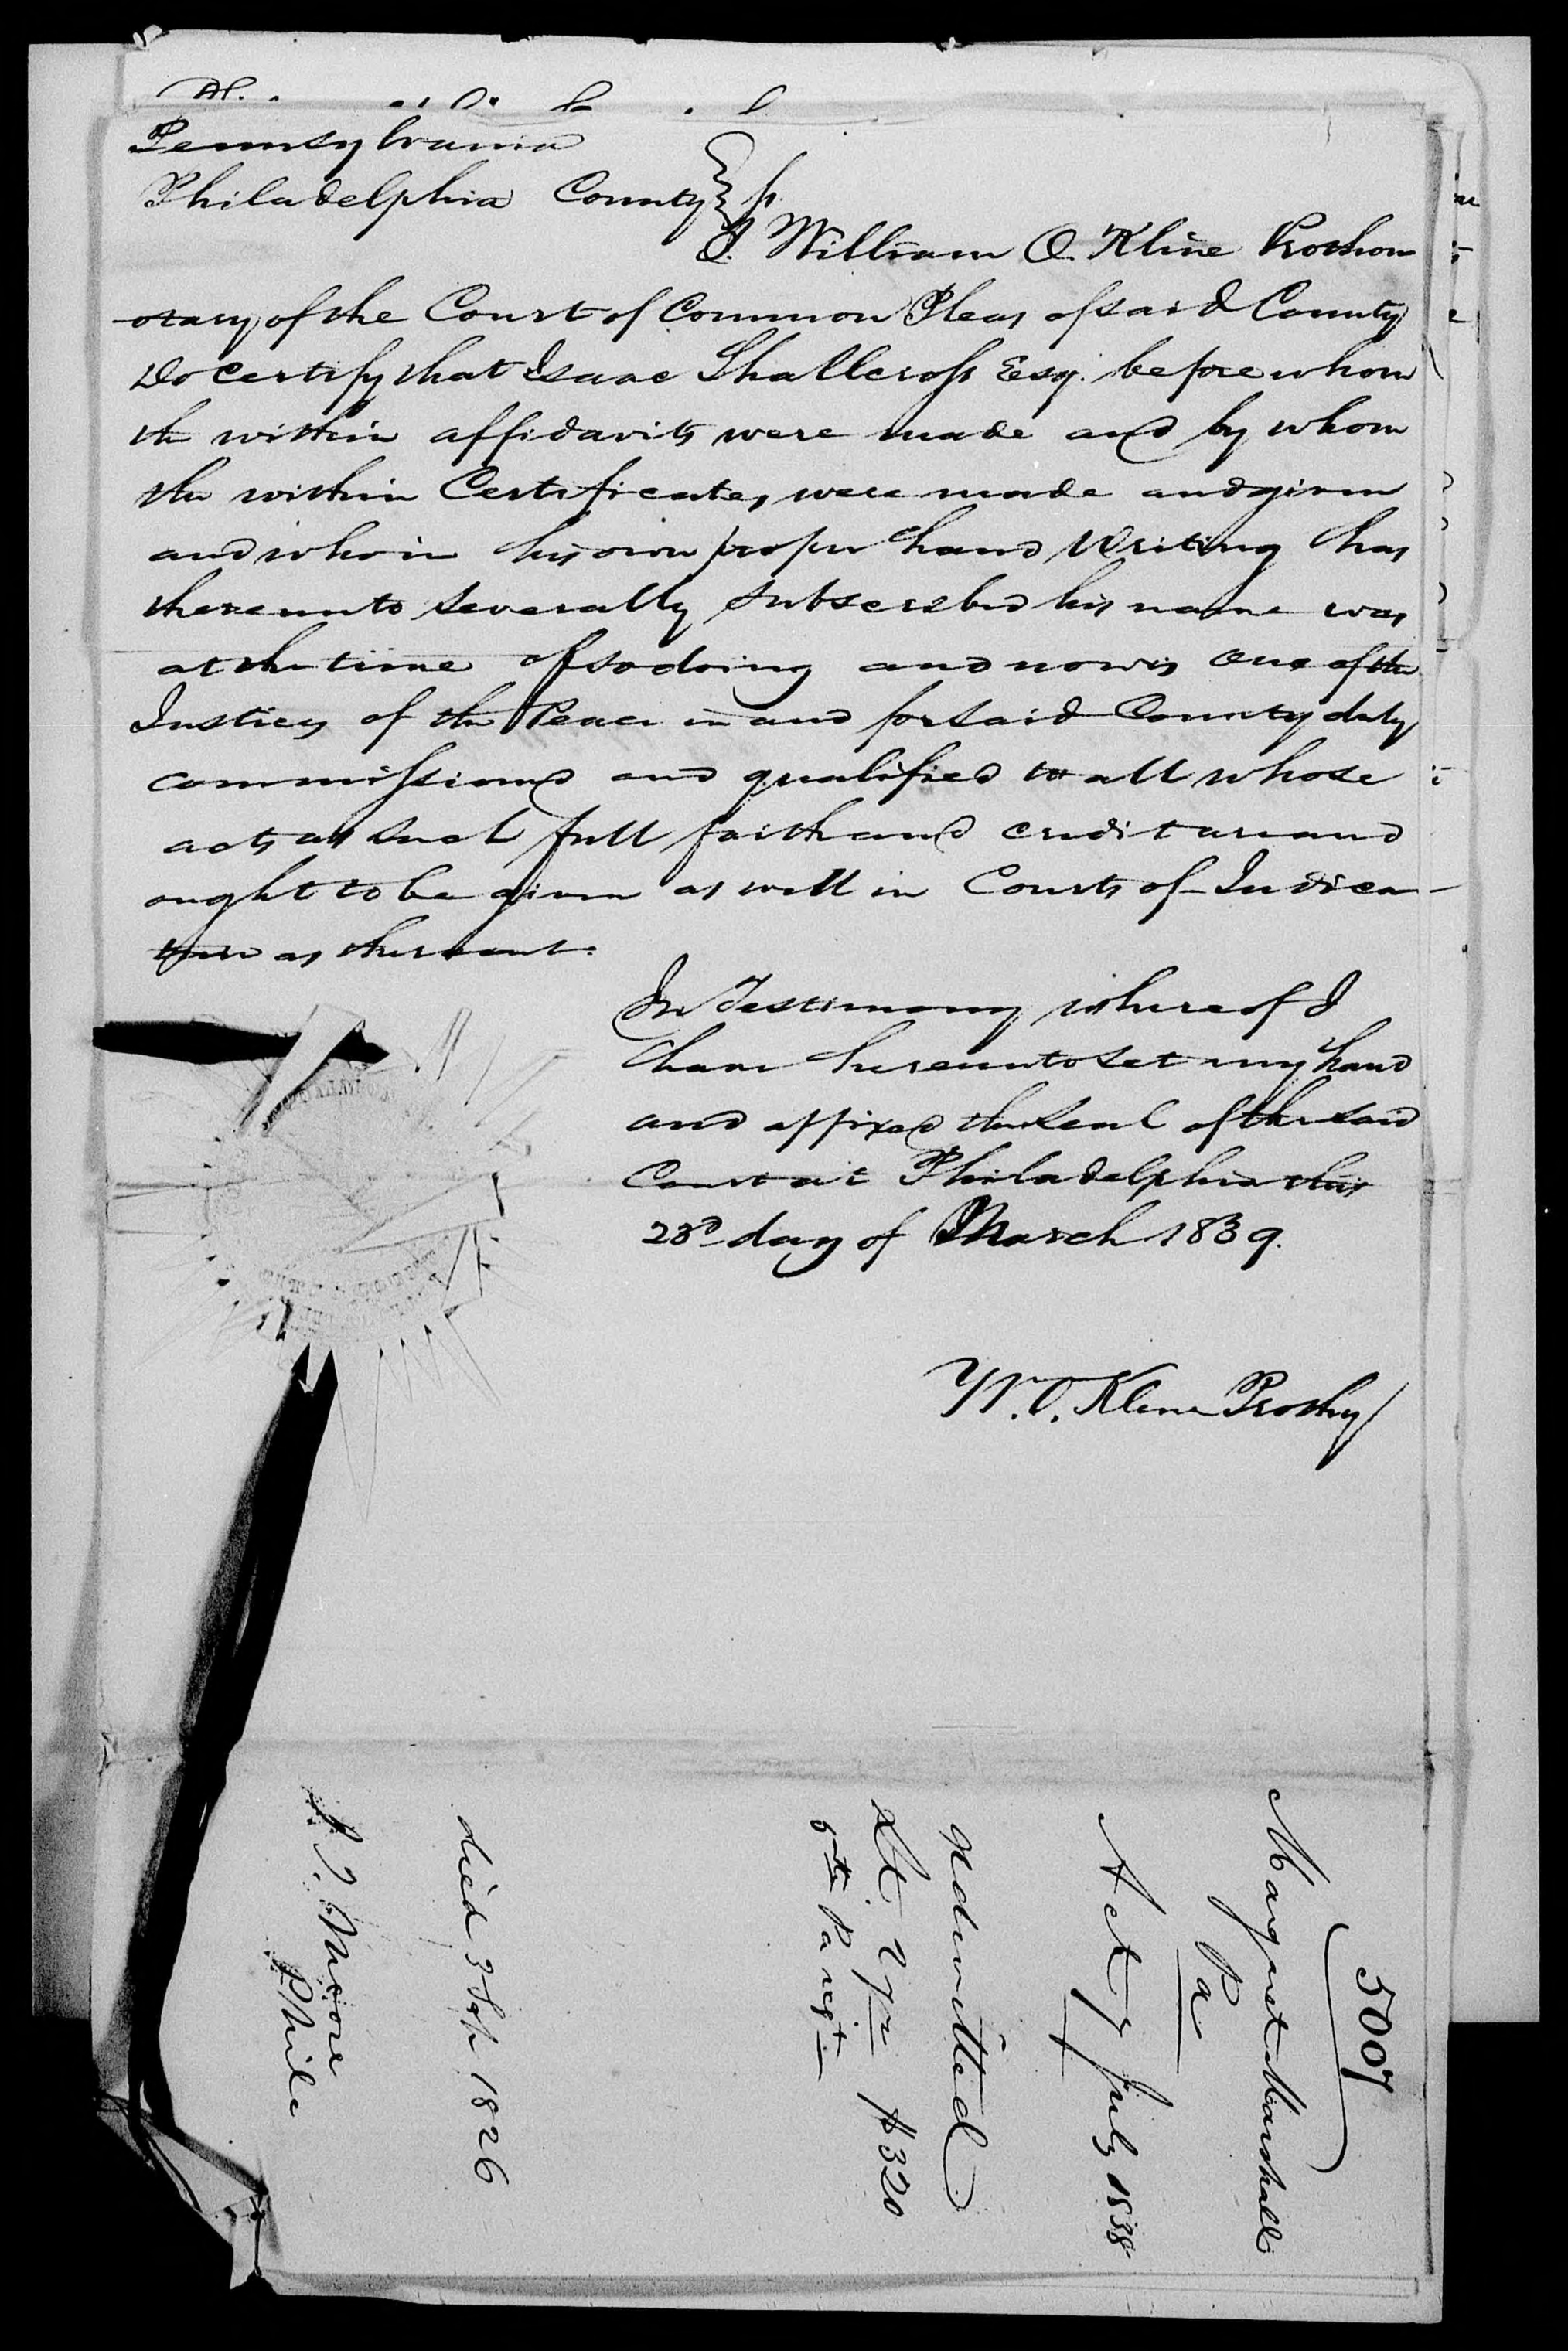Pennsylvania
Philadelphia County

I William O Kline Prothonotary of the Court of Common Pleas of said County do certify that Isaac Shallcross Esq. before whom the with affidavits were made and by whom the with Certificates were made and given and who in his own proper hand writing has thereunto severally subscribed his name was at the time [illegible] and now is one of the Justice of the Peace in and forsaid County duly commissioned and qualified to all whose acts as such full faith and credit are and ought to be given and will in Courts of [illegible] as [illegible]

In testimony whereof I have herunto set my hand and affixed the seal of the said [illegible] Philadelphia this 28 day of March 1839.

W. O. Kline Prothy


5007
Margaret Marshall
Pa
Act  7 July 1838
admitted
St. [illegible] $320
[illegible]

died 3 Feb 1826

J I Moore
Phila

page: 77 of 86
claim: widow's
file: W. 3571, for David Marshall, Pennsylvania